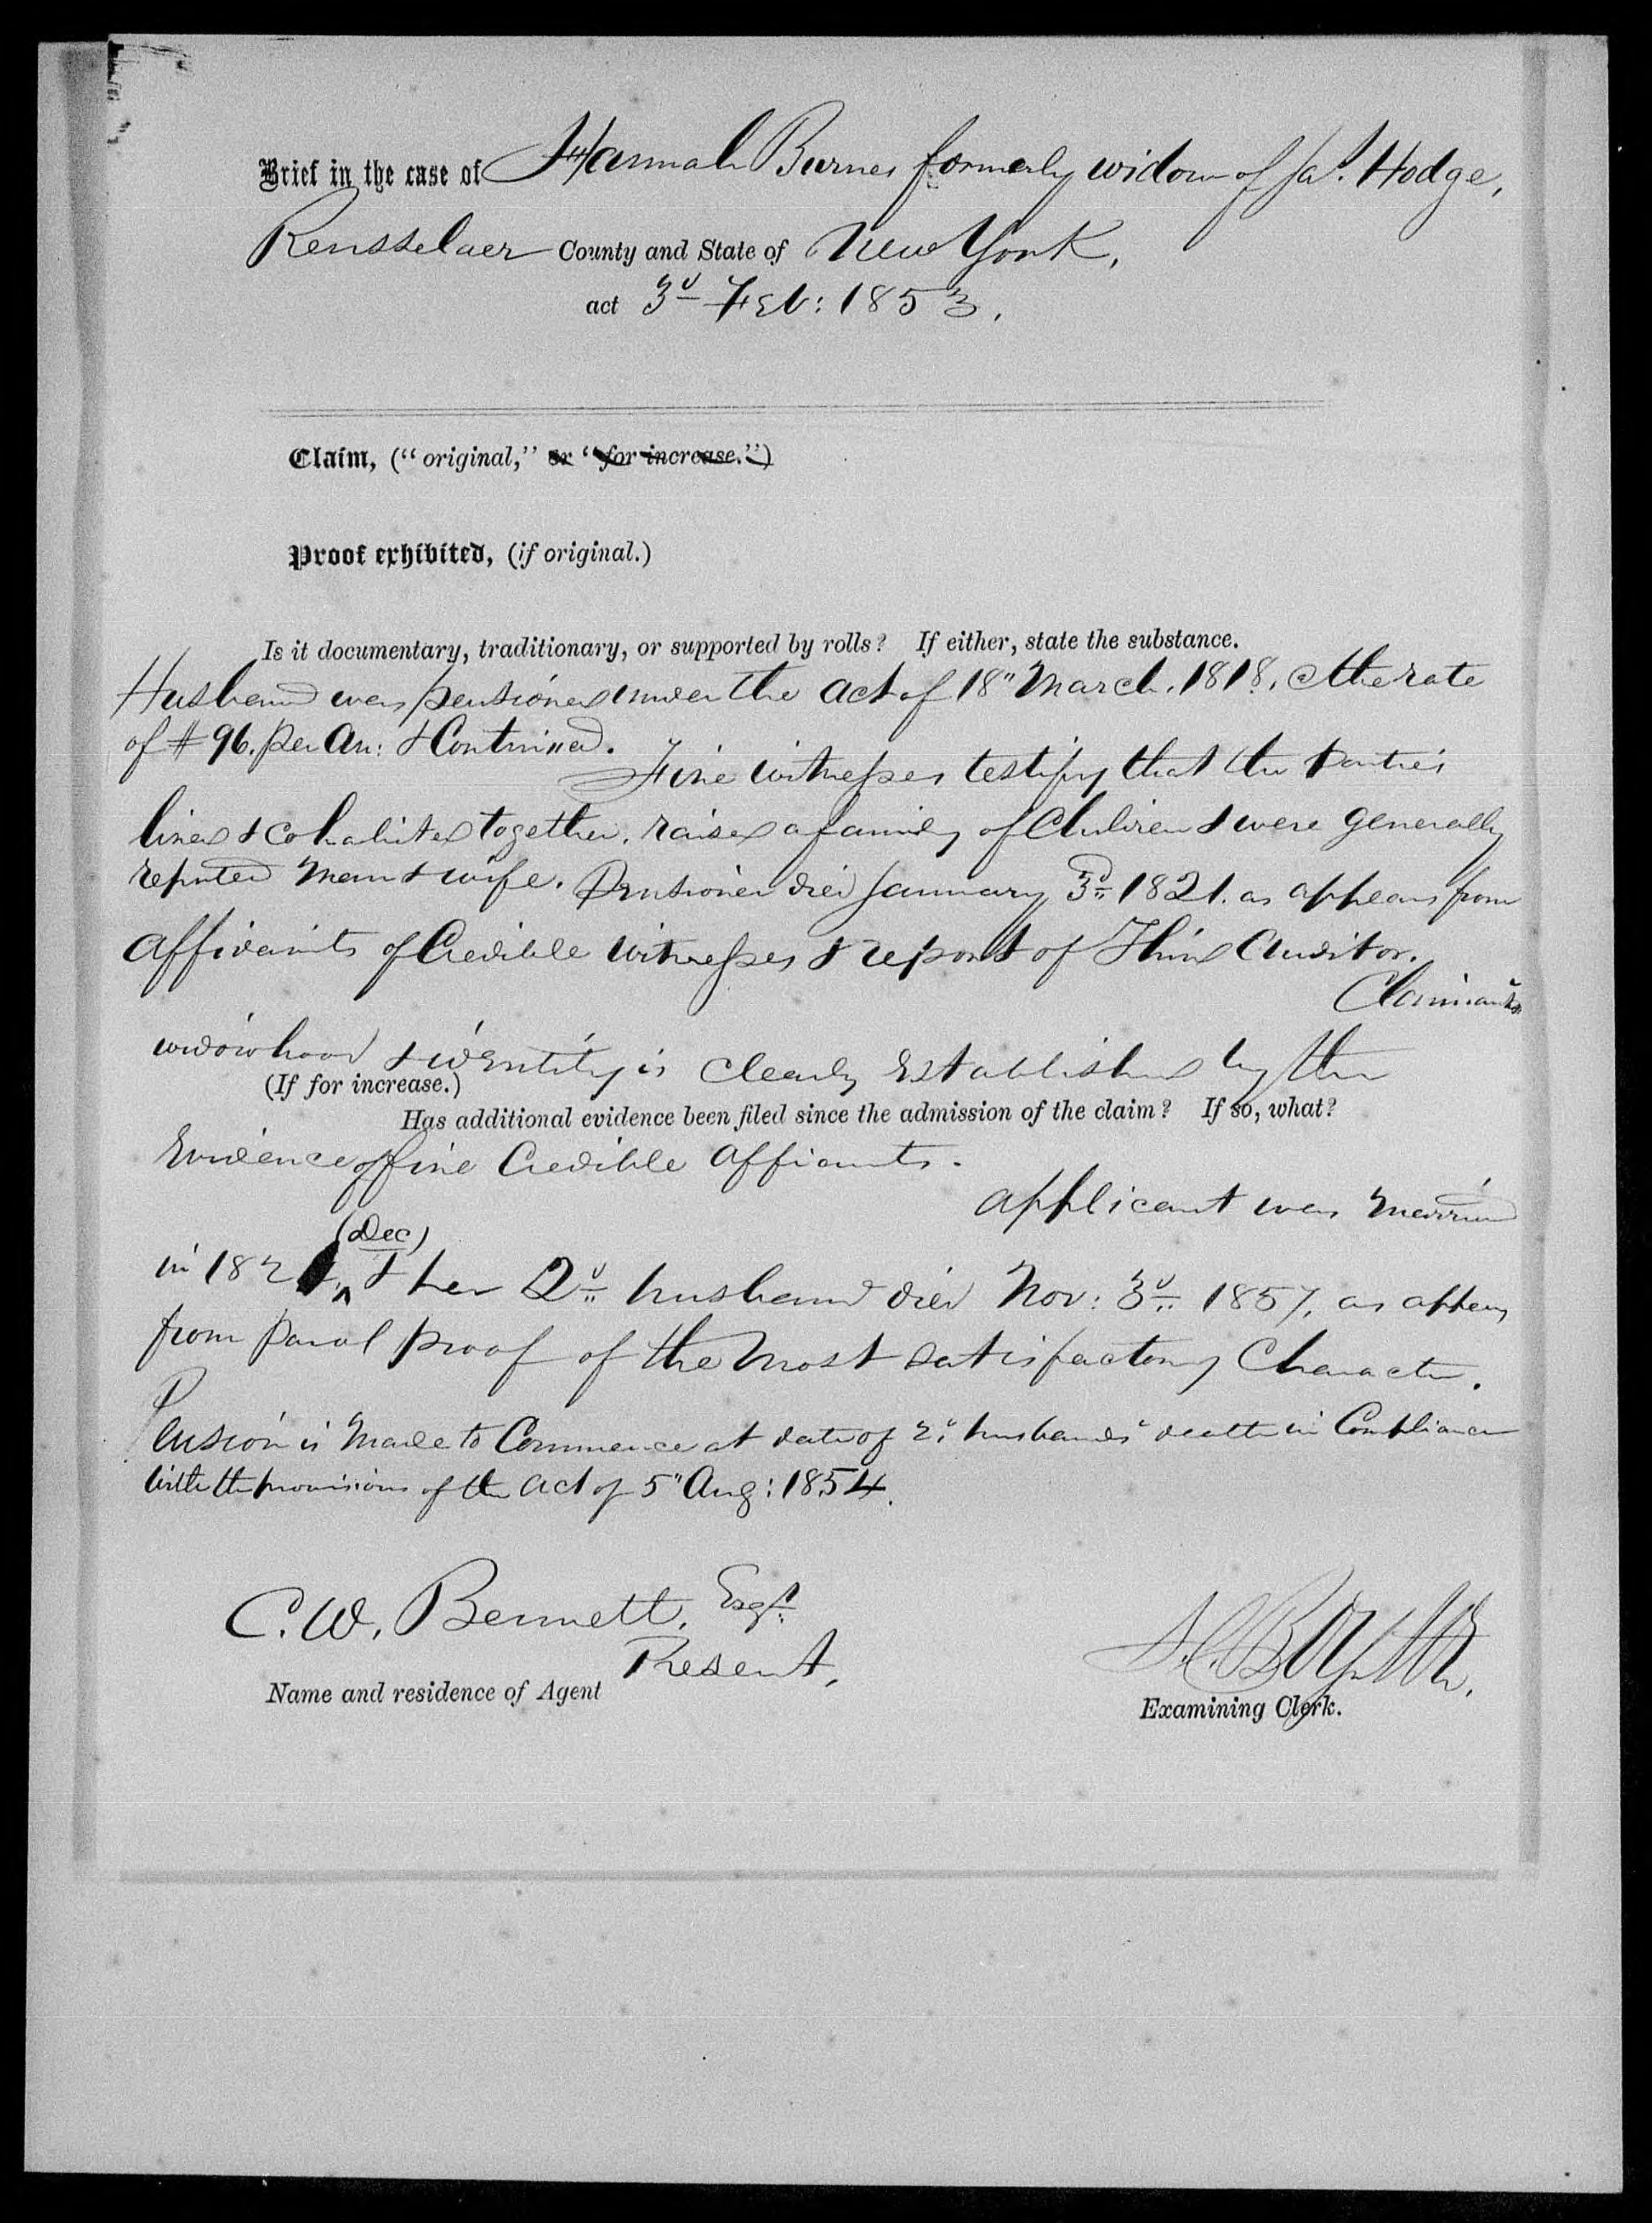Brief in the case of Hannah Burns formerly widow of Ja. Hodge,
Rensselaer County and State of New York,
Act 3d Feb: 1853
Claim, (“original,” (or “for increase,”)[crossed out])
Proof exhibited, (if original.)
Is it documentary, traditionary, or supported by rolls” If either, state the substance.
Husband was pensioned under the act of 18” March. 1818. @ the rate 
Of #96. Per An. + Continued.
[illegible] withefor testify that the parties
lived + cohabited together, raised a family of children were generally
reported man + wife. Pensioner [illegible] January 3d 1821 as appears from affiants  of credible witnesses + (illegible) of this auditor.
Claimant widowhood is clearly established by the (illegible) of fine credible affiants.
Has additional evidence been filed since the admission of the claim?  If so, what?
[illegible]
Applicant was married
in 1821 (Dec) + her 2d husband died Nov 3d 1857, an [illegible]
from panel proof of the most satisfactory character.
Pension in made to commence at date of 2d husband death in complaince 
with the provisions of the act of 2 Aug: 1854.
C. W. Bennet Esq.
Present
Name and residence of Agent

S.C. Boynton
Examining Clerk.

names: Jas Hodge, Hannah Burnes, C W Bennett, S C Boynton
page: 26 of 48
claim: widow's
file: W. 10476, James Hodge, New York